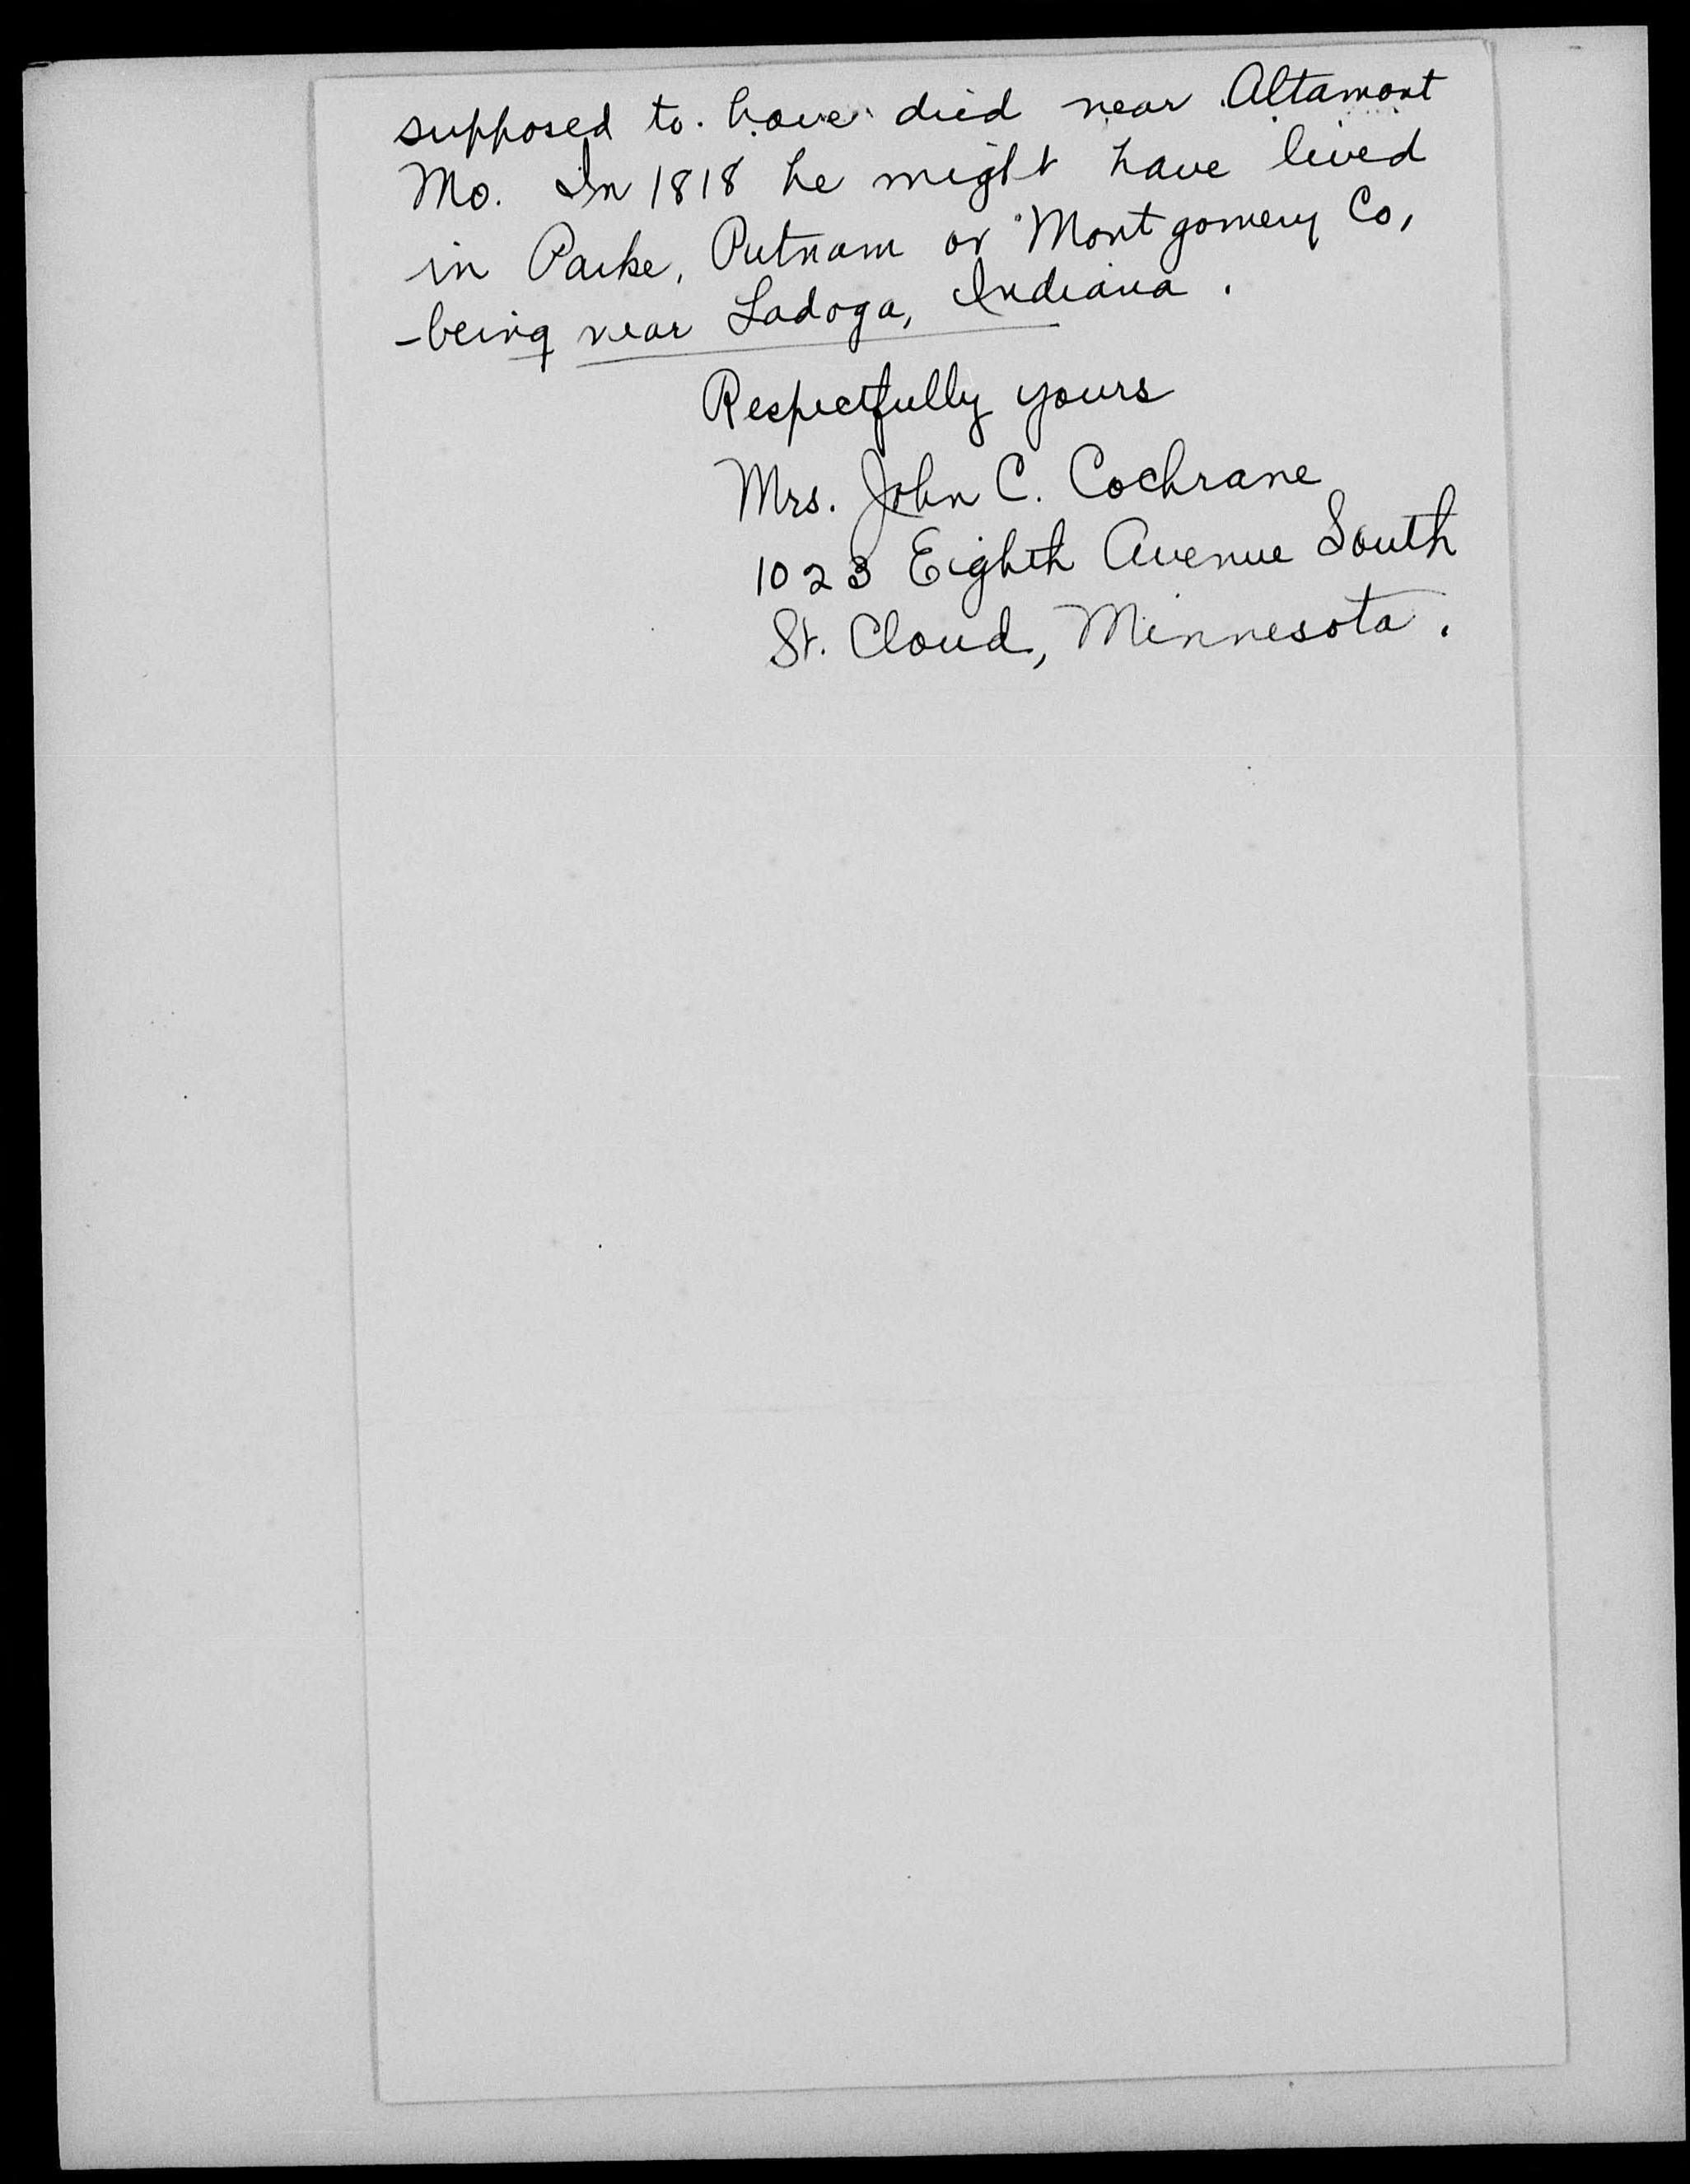supposed to have died near Altamont
Mo. In 1818 he might have lived in
Parke, Putnam or Montgomery Co.
-being near Ladoga, Indiana.

Respectfully yours
Mrs. John C. Cochrane
1023 Eighth Avenue South
St. Cloud, Minnesota.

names: John C Cochrane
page: 12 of 19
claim: survivor's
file: S. 17022, for William Powell, North Carolina